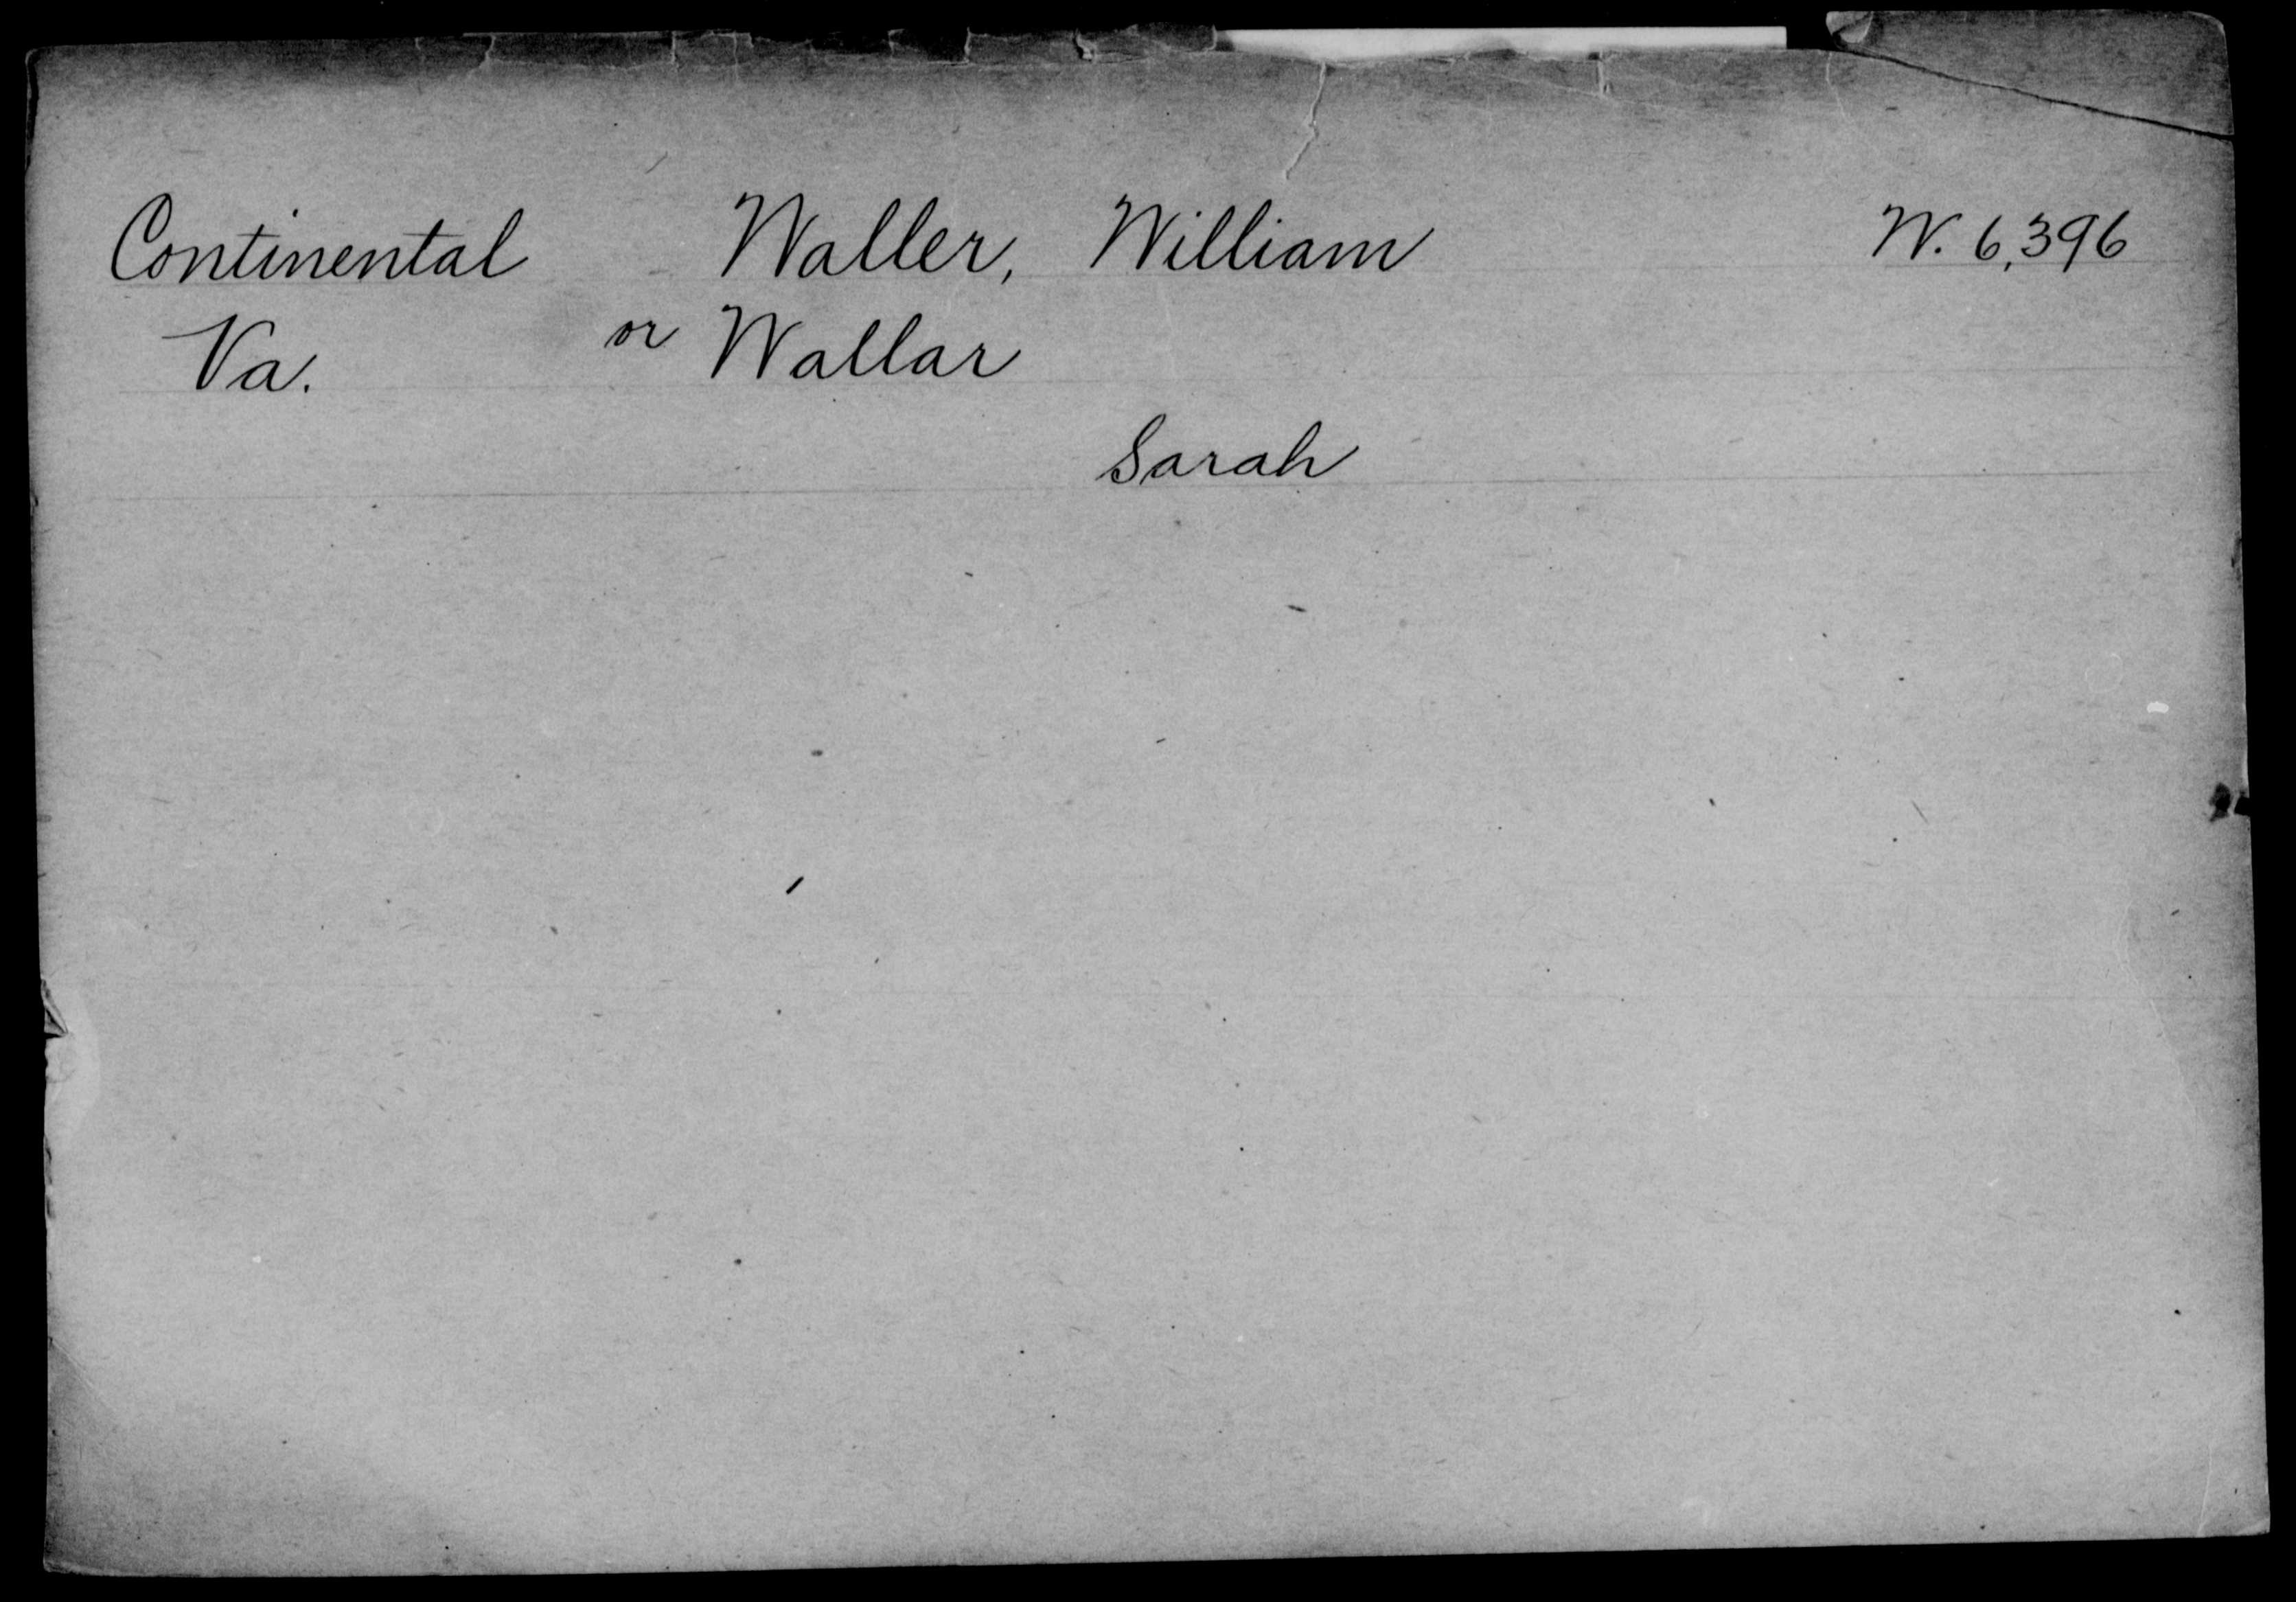Continental Va.
Waller, William 
Waller, Sarah 

N. 6,396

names: William Wallar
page: 1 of 1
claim: widow's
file: W. 6,396, William Waller, Continental Va.